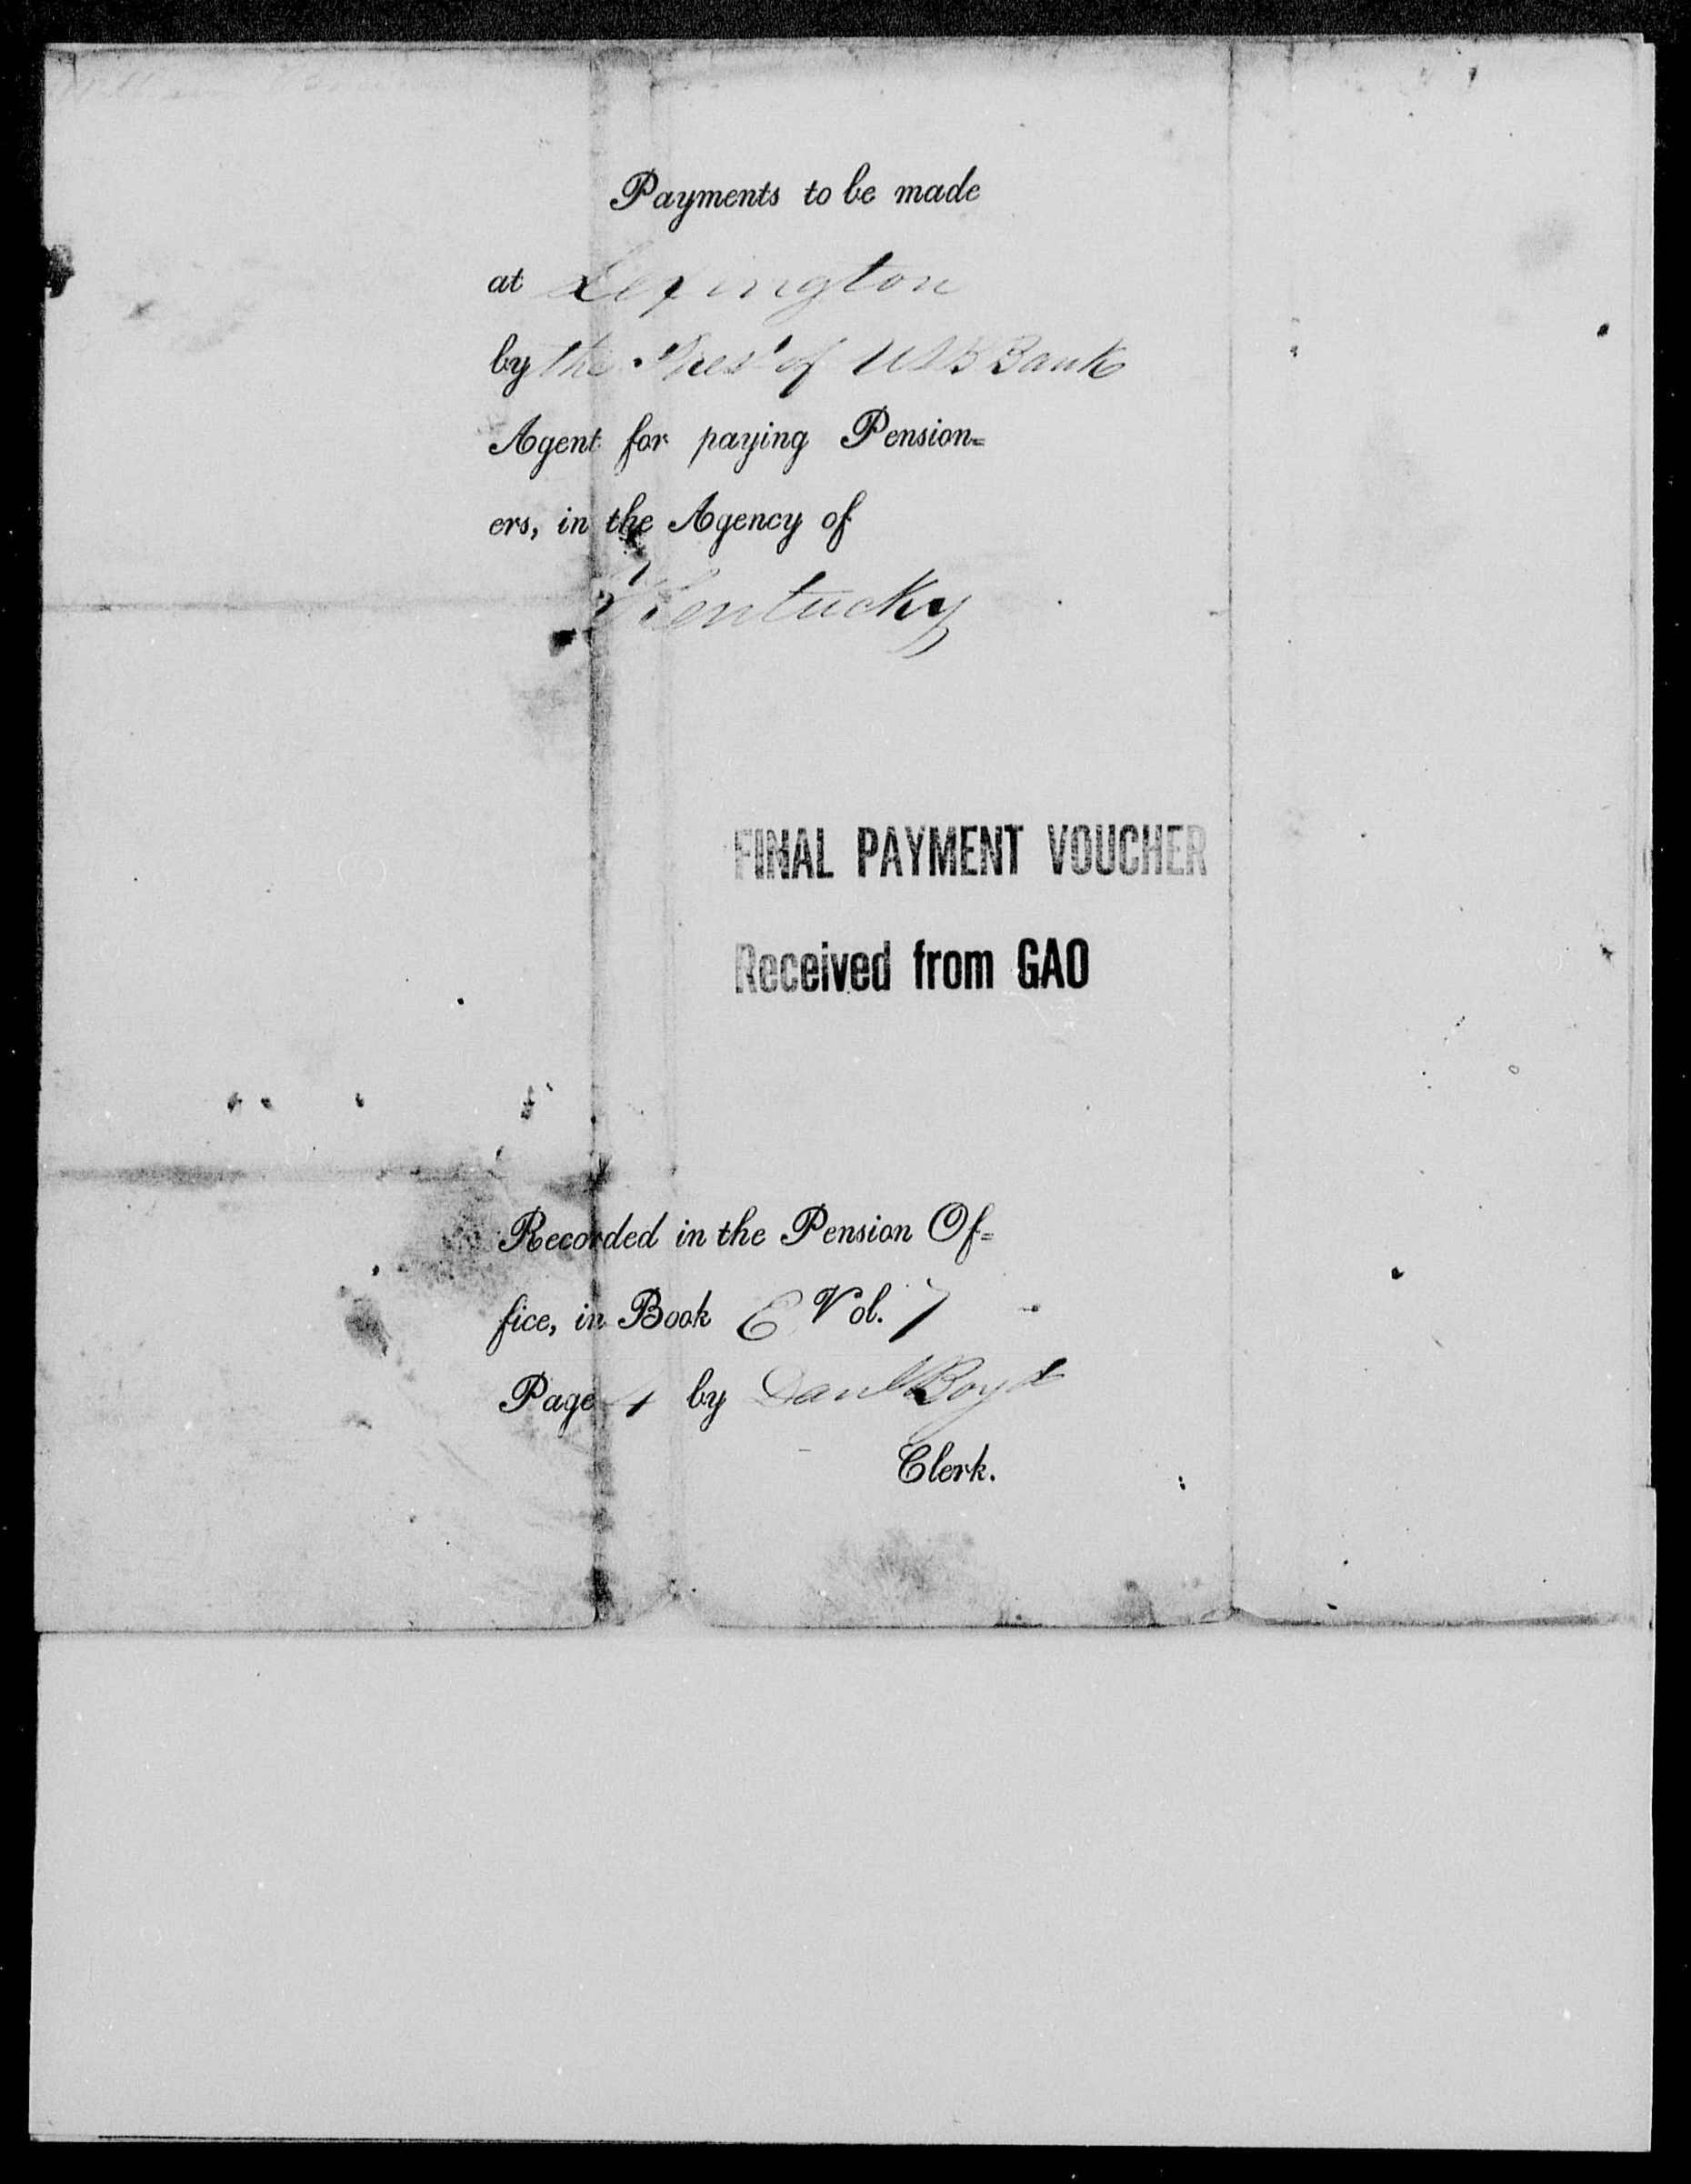[typed form, with handwritten responses]

Payments to be made 
at Lexington 
by the Prest [President] of W B Bank 
Agent for paying Pensioners, in the Agency of Kentucky 

[stamped] FINAL PAYMENT VOUCHER Received from GAO

Recorded in the Pension Office, in Book E Vol. 7 
Page 4 by – Dan. Boyd
Clerk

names: Danl Boyd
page: 16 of 54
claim: survivor's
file: S. 30287, William Bruce, N.C.